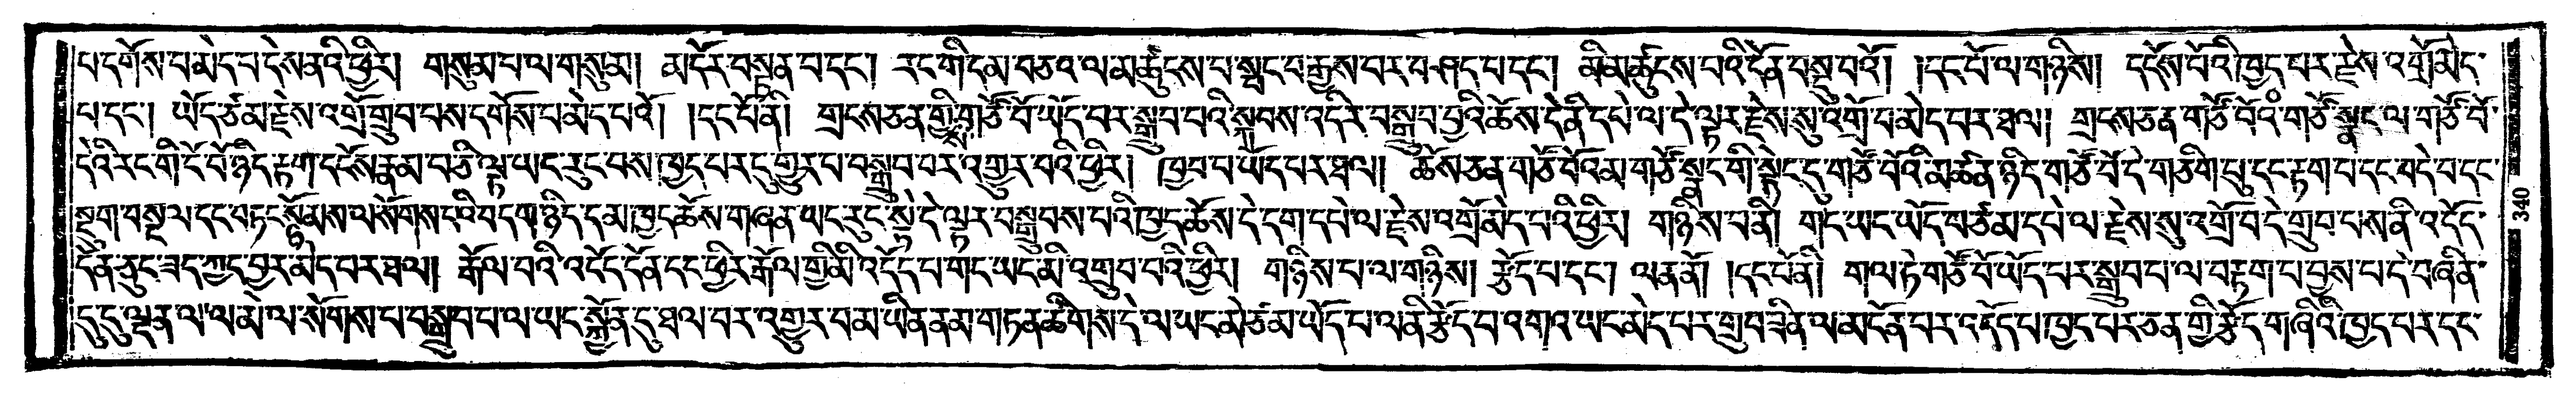པ་དགོས་པ་མེད་པ་དེས་ནའི་ཕྱིར། གསུམ་པ་ལ་གསུམ། མདོར་བསྟན་པ་དང་། རང་གི་དམ་བཅའ་ལ་མཚུངས་པ་སྤང་བ་རྒྱས་པར་བཤད་པ་དང་། མི་མཚུངས་པའི་དོན་བསྡུ་བའོ། །དང་པོ་ལ་གཉིས། དངོས་པོའི་ཁྱད་པར་རྗེས་འགྲོ་མེད་
པ་དང་། ཡོད་ཙམ་རྗེས་འགྲོ་གྲུབ་པས་དགོས་པ་མེད་པའོ། །དང་པོ་ནི། གྲངས་ཅན་གྱིས་གཙོ་བོ་ཡོད་པར་སྒྲུབ་པའི་སྐབས་འདིར་བསྒྲུབ་བྱའི་ཆོས་དེ་ནི་དཔེ་ལ་དེ་ལྟར་རྗེས་སུ་འགྲོ་བ་མེད་པར་ཐལ། གྲངས་ཅན་གཙོ་བོའི་གཙོ་སྣང་ལ་གཙོ་
དེའི་རང་གི་ངོ་བོ་ཉིད་རྟག་དངོས་རྣམ་བ་ཅི་ལྟ་ཡང་རུང་བས་ཁྱད་པར་དུ་གྱུར་པ་བསྒྲུབ་པར་འགྱུར་བའི་ཕྱིར། ཁྱབ་པ་ཡོད་པར་ཐལ། ཆོས་ཅན་གཙོ་བོའམ་གཙོ་སྣང་གི་སྟེང་དུ་གཙོ་བོའི་མཚན་ཉིད་གཙོ་བོ་དེ་གཅིག་པུ་དང་རྟག་པ་དང་བདེ་བ་དང་
སྡུག་བསྔལ་དང་བཏང་སྙོམས་ལ་སོགས་པའི་བདག་ཉིད་དམ་ཁྱད་ཆོས་གཞན་ཡང་རུང་སྟེ་དེ་ལྟར་བསྒྲུབས་པའི་ཁྱད་ཆོས་དེ་དག་དཔེ་ལ་རྗེས་འགྲོ་མེད་པའི་ཕྱིར། གཉིས་པ་ནི། གང་ཡང་ཡོད་པ་ཙམ་དཔེ་ལ་རྗེས་སུ་འགྲོ་བ་དེ་གྲུབ་པས་ནི་འདོད་
དོན་ཅུང་ཟད་ཀྱང་བྱར་མེད་པར་ཐལ། རྒོལ་བའི་འདོད་དོན་དང་ཕྱིར་རྒོལ་གྱི་མི་འདོད་པ་གང་ཡང་མི་འགྲུབ་པའི་ཕྱིར། གཉིས་པ་ལ་གཉིས། རྩོད་པ་དང་། ལན་ནོ། །དང་པོ་ནི། གལ་ཏེ་གཙོ་བོ་ཡོད་པར་སྒྲུབ་པ་ལ་བརྟག་པ་ལ་བྱས་པ་དེ་བཞིན་
དུ་དུ་ལྡན་ལ་ལ་མེ་ལ་སོགས་པ་བསྒྲུབ་པ་ལ་ཡང་སྐྱོན་དུ་ཐལ་བར་འགྱུར་བ་མ་ཡིན་ནམ་གཏན་ཚིགས་དེ་ལ་ཡང་མེ་ཙམ་ཡོད་པ་ལ་ནི་རྩོད་པ་འགའ་ཡང་མེད་པར་གྲུབ་ཟིན་ལ་མངོན་པར་འདོད་པ་ཁྱད་པར་ཅན་གྱི་རྩོད་གཞིའི་ཁྱད་པར་དང་